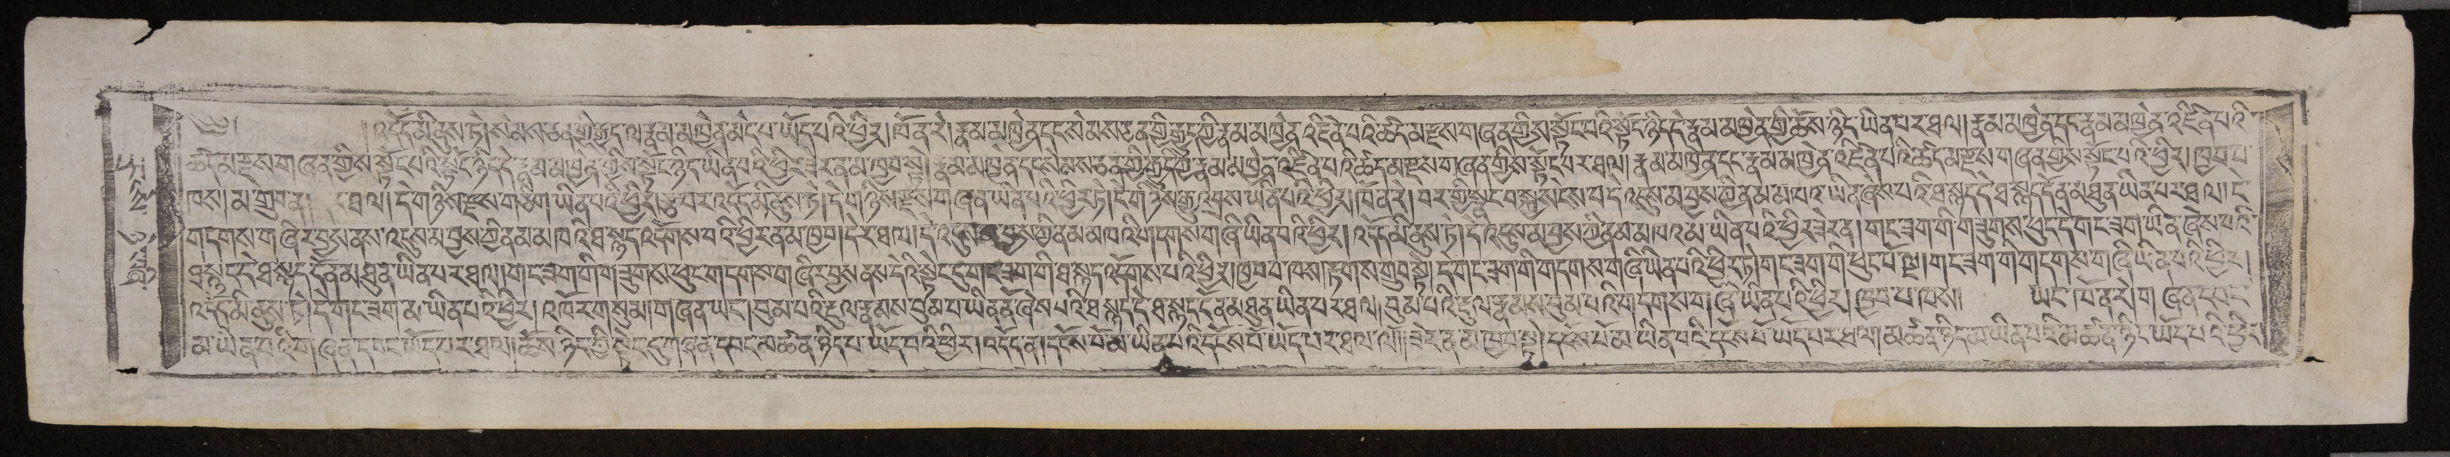༄༅། །འདོད་མི་ནུས་ཏེ། སེམས་ཅན་གྱི་རྒྱུད་ལ་རྣམ་མཁྱེན་མེད་པ་ཡོད་པའི་ཕྱིར། ཁོ་ན་རེ། རྣམ་མཁྱེན་དང་སེམས་ཅན་གྱི་རྒྱུད་ཀྱི་རྣམ་མཁྱེན་འཛིན་པའི་ཚད་མ་རྫས་གཞན་གྱིས་སྟོང་པའི་སྟོང་ཉིད་དེ་རྣམ་མཁྱེན་གྱི་ཆོས་ཉིད་ཡིན་པར་ཐལ། རྣམ་མཁྱེན་དང་རྣམ་མཁྱེན་འཛིན་པའི་
ཚད་མ་རྫས་གཞན་གྱིས་སྟོང་པའི་སྟོང་ཉིད་དེ་རྣམ་མཁྱེན་གྱིས་སྟོང་ཉིད་ཡིན་པའི་ཕྱིར་ཟེར་ན་མ་ཁྱབ་སྟེ། རྣམ་མཁྱེན་དང་སེམས་ཅན་གྱི་རྒྱུད་ཀྱི་རྣམ་མཁྱེན་འཛིན་པའི་ཚད་མ་རྫས་གཞན་གྱིས་སྟོང་པར་ཐལ། རྣམ་མཁྱེན་དང་རྣམ་མཁྱེན་འཛིན་པའི་ཚད་མ་རྫས་གཞན་གྱིས་སྟོང་པའི་ཕྱིར། ཁྱབ་པ་
ཁས། མ་གྲུབ་ན། དེར་ཐལ། དེ་གཉིས་རྫས་གཅིག་ཡིན་པའི་ཕྱིར། རྩ་བར་འདོད་མི་ནུས་ཏེ། དེ་གཉིས་རྫས་གཞན་ཡིན་པའི་ཕྱིར་ཏེ། དེ་གཉིས་རྒྱུ་འབྲས་ཡིན་པའི་ཕྱིར། ཁོ་ན་རེ། བར་གྱི་སྣང་བ་སྐྱ་སེངས་པ་དེ་འདུས་མ་བྱས་ཀྱི་ནམ་མཁའ་ཡིན་ཞེས་པའི་ཐ་སྙད་དེ་ཐ་སྙད་དོན་མཐུན་ཡིན་པར་ཐལ། དེ་
གདགས་གཞིར་བྱས་ནས་འདུས་མ་བྱས་ཀྱི་ནམ་མཁའི་ཐ་སྙད་འདོགས་པའི་ཕྱིར་ན་མ་ཁྱབ། དེར་ཐལ། དེ་འདུས་མ་བྱས་ཀྱི་ནམ་མཁའི་གདགས་གཞི་ཡིན་པའི་ཕྱིར། འདོད་མི་ནུས་ཏེ། དེ་འདུས་མ་བྱས་ཀྱི་ནམ་མཁའ་མ་ཡིན་པའི་ཕྱིར་ཟེར་ན། གང་ཟག་གི་གཟུགས་ཕུང་དེ་གང་ཟག་ཡིན་ཞེས་པའི་
ཐ་སྙད་དེ་ཐ་སྙད་དོན་མཐུན་ཡིན་པར་ཐལ། གང་ཟག་གི་གཟུགས་ཕུང་གདགས་གཞིར་བྱས་ནས་དེའི་སྟེང་དུ་གང་ཟག་གི་ཐ་སྙད་འདོགས་པའི་ཕྱིར། ཁྱབ་པ་ཁས། རྟགས་གྲུབ་སྟེ། དེ་གང་ཟག་གི་གདགས་གཞི་ཡིན་པའི་ཕྱིར་ཏེ། གང་ཟག་གི་ཕུང་པོ་ལྔ། གང་ཟག་གི་གདགས་གཞི་ཡིན་པའི་ཕྱིར།
འདོད་མི་ནུས་ཏེ། དེ་གང་ཟག་མ་ཡིན་པའི་ཕྱིར། འཁོར་གསུམ། གཞན་ཡང་། བུམ་པའི་རྡུལ་རྣམས་བུམ་པ་ཡིན་ནོ་ཞེས་པའི་ཐ་སྙད་དེ་ཐ་སྙད་དོན་མཐུན་ཡིན་པར་ཐལ། བུམ་པའི་རྡུལ་རྣམས་བུམ་པའི་གདགས་གཞི་ཡིན་པའི་ཕྱིར། ཁྱབ་པ་ཁས། ཡང་ཁོ་ན་རེ། གཞན་དབང་
མ་ཡིན་པའི་གཞན་དབང་ཡོད་པར་ཐལ། ཆོས་ཉིད་ཀྱི་སྟེང་དུ་གཞན་དབང་མཚན་ཉིད་པ་ཡོད་པའི་ཕྱིར། འདོད་ན། དངོས་པོ་མ་ཡིན་པའི་དངོས་པོ་ཡོད་པར་ཐལ་ལོ། །ཟེར་ན་མ་ཁྱབ་སྟེ། དངོས་པོ་མ་ཡིན་པའི་དངོས་པོ་ཡོད་པར་ཐལ། མཚན་ཉིད་མ་ཡིན་པའི་མཚན་ཉིད་ཡོད་པའི་ཕྱིར།